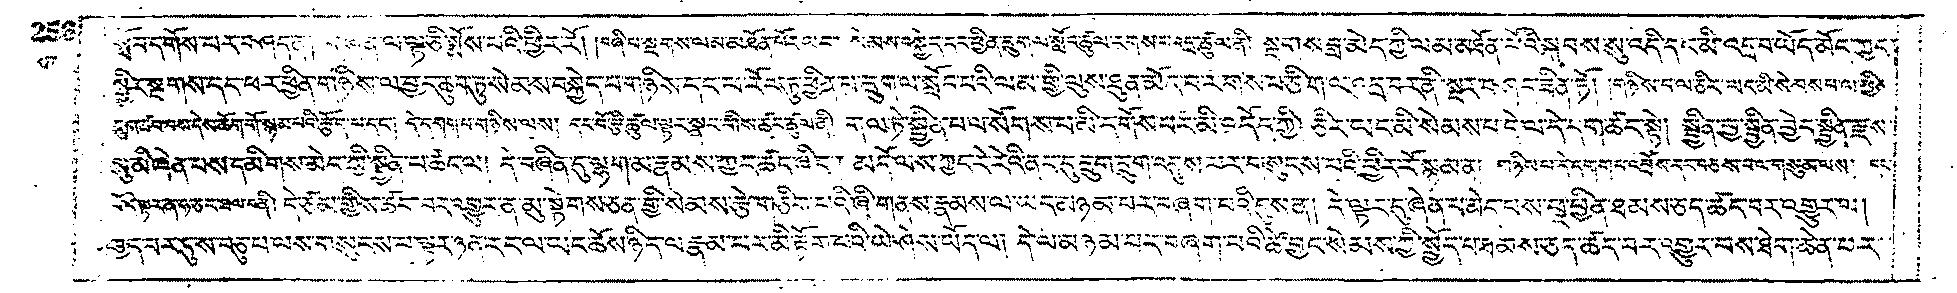སློབ་དགོས་པར་བཤད་ན། གཞན་ལ་ལྟ་ཅི་སྨོས་པའི་ཕྱིར་རོ། །བཞི་པ་སྔགས་ལམ་མཐོན་པོར་ཡང་། སེམས་བསྐྱེད་དང་ཕྱིན་དྲུག་ལ་སློབ་ཚུལ་རགས་པ་འདྲ་ཚུལ་ནི།  སྔགས་བླ་མེད་ཀྱི་ལམ་མཐོན་པོའི་སྐབས་སུ་འདི་དང་མི་འདྲ་བ་ཡོད་མོད་ཀྱང་
སྤྱིར་སྔགས་དང་ཕར་ཕྱིན་གཉིས་ལ་བྱང་ཆུབ་ཏུ་སེམས་བསྐྱེད་པ་གཉིས་དང་ཕ་རོལ་ཏུ་ཕྱིན་པ་དྲུག་ལ་སློབ་པའི་ལམ་གྱི་ལུས་ཐུན་མོང་བ་རགས་པ་ཅིག་ལ་འདྲ་བར་ནི་སྔར་བཤད་ཟིན་ཏོ། །གཉིས་པ་ལ་ཅིར་ཡང་མི་སེམས་པ་ལ་ཕྱིན་
དྲུག་ཚབ་བས་དེས་ཆོག་གོ་སྙམ་པའི་རྩོད་པ་དང་། དེ་དགག་པ་གཉིས་ལས། དང་པོ་རྩི་ཚུལ་ལྟར་སྣང་གིས་ཚང་ཚུལ་ནི། གལ་ཏེ་སྦྱིན་པ་ལ་སོགས་པ་མི་དགོས་པར་མི་འདོད་ཀྱི། ཅིར་ཡང་མི་སེམས་པ་དེ་ལ་དེ་དག་ཚང་སྟེ། སྦྱིན་བྱ་སྦྱིན་བྱེད་སྦྱིན་རྫས་
སུ་མི་ཞེན་པས་དམིགས་མེད་ཀྱི་སྦྱིན་པ་ཚང་ལ། དེ་བཞིན་དུ་ལྷག་མ་རྣམས་ཀྱང་ཚང་ཞིང་། མདོ་ལས་ཀྱང་རེ་རེའི་ནང་དུ་དྲུག་དྲུག་འདུས་པར་གསུངས་པའི་ཕྱིར་རོ་སྙམ་ན། གཉིས་པ་དེ་དགག་པ་འཕྲོས་དང་བཅས་པ་ལ་གསུམ་ལས། དང་
པོ་དེ་ལྟར་ན་ཧ་ཅང་ཐལ་བ་ནི། དེ་ཙམ་གྱིས་ཚང་བར་འགྱུར་ན་མུ་སྟེགས་ཅན་གྱི་སེམས་རྩེ་གཅིག་པའི་ཞི་གནས་རྣམས་ལ་ཡང་མཉམ་པར་བཞག་པའི་དུས་ན། དེ་ལྟར་དུ་ཞེན་པ་མེད་པས་ཕྲ་ཕྱིན་ཐམས་ཅད་ཚང་བར་འགྱུར་ལ།
ཁྱད་པར་དུ་ས་བཅུ་པ་ལས་གསུངས་པ་ལྟར་ཉན་རང་ལ་ཡང་ཆོས་ཉིད་ལ་རྣམ་པར་མི་རྟོག་པའི་ཡེ་ཤེས་ཡོད་ལ། དེ་ལ་མཉམ་པར་བཞག་པའི་ཚེ་བྱང་སེམས་ཀྱི་སྤྱོད་པ་ཐམས་ཅད་ཚང་བར་འགྱུར་བས་ཐེག་ཆེན་པར་